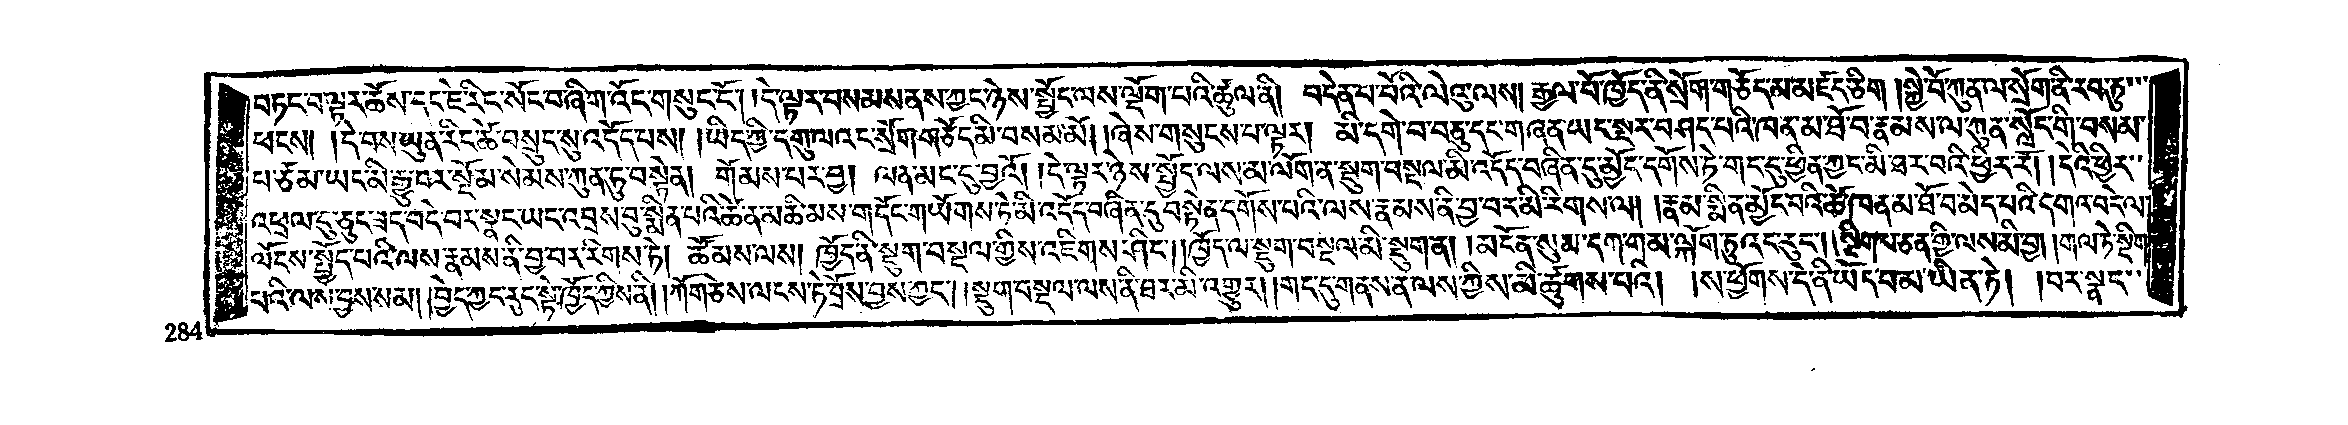བཏང་བ་ལྟར་ཆོས་དང་ཇེ་རིང་སོང་བ་ཞིག་འོང་གསུང་ངོ། །དེ་ལྟར་བསམས་ནས་ཀྱང་ཉེས་སྤྱོད་ལས་ལྡོག་པའི་ཚུལ་ནི། བདེན་པ་པོའི་ལེའུ་ལས། རྒྱལ་པོ་ཁྱོད་ནི་སྲོག་གཅོད་མ་མཛད་ཅིག །སྐྱེ་བོ་ཀུན་ལ་སྲོག་ནི་རབ་ཏུ་
ཕངས། །དེ་བས་ཡུན་རིང་ཚེ་བསྲུང་སུ་འདོད་པས། །ཡིད་ཀྱི་དགུ་ལའང་སྲོག་གཅོད་མི་བསམ་མོ། །ཞེས་གསུངས་པ་ལྟར། མི་དགེ་བ་བཅུ་དང་གཞན་ཡང་སྔར་བཤད་པའི་ཁ་ན་མ་ཐོ་བ་རྣམས་ལ་ཀུན་སློང་གི་བསམ་
པ་ཙམ་ཡང་མི་རྒྱུ་བར་སྡོམ་སེམས་ཀུན་ཏུ་བསྟེན། གོམས་པར་བྱ། ལན་མང་དུ་བྱའོ། །དེ་ལྟར་ཉེས་སྤྱོད་ལས་མ་ལོག་ན་སྡུག་བསྔལ་མི་འདོད་བཞིན་དུ་མྱོང་དགོས་ཏེ་གང་དུ་ཕྱིན་ཀྱང་མི་ཐར་བའི་ཕྱིར་རོ། །དེའི་ཕྱིར་
འཕྲལ་དུ་ཅུང་ཟད་བདེ་བར་སྣང་ཡང་འབྲས་བུ་སྨིན་པའི་ཚེ་ན་མཆི་མས་གདོང་གཡོགས་ཏེ་མི་འདོད་བཞིན་དུ་བསྟེན་དགོས་པའི་ལས་རྣམས་ནི་བྱ་བར་མི་རིགས་ལ། རྣམ་སྨིན་མྱོང་བའི་ཚེ་ཁ་ན་མ་ཐོ་བ་མེད་པའི་དགའ་བདེ་ལ་
ལོངས་སྤྱོད་པའི་ལས་རྣམས་ནི་བྱ་བར་རིགས་ཏེ། ཚོམས་ལས། ཁྱོད་ནི་སྡུག་བསྔལ་གྱིས་འཇིགས་ཤིང་། །ཁྱོད་ལ་སྡུག་བསྔལ་མི་སྡུག་ན། །མངོན་སུམ་དག་གམ་ལྐོག་ཏུའང་རུང་། །སྡིག་པ་ཅན་གྱི་ལས་མི་བྱ། །གལ་ཏེ་སྡིག་
པའི་ལས་བྱས་སམ། །བྱེད་ཀྱང་རུང་སྟེ་ཁྱོད་ཀྱིས་ནི། །ཀོག་ཅེས་ལངས་ཏེ་བྲོས་བྱས་ཀྱང་། །སྡུག་བསྔལ་ལས་ནི་ཐར་མི་འགྱུར། །གང་དུ་གནས་ན་ལས་ཀྱིས་མི་ཚུགས་པའི། །ས་ཕྱོགས་དེ་ནི་ཡོད་པ་མ་ཡིན་ཏེ། །བར་སྣང་